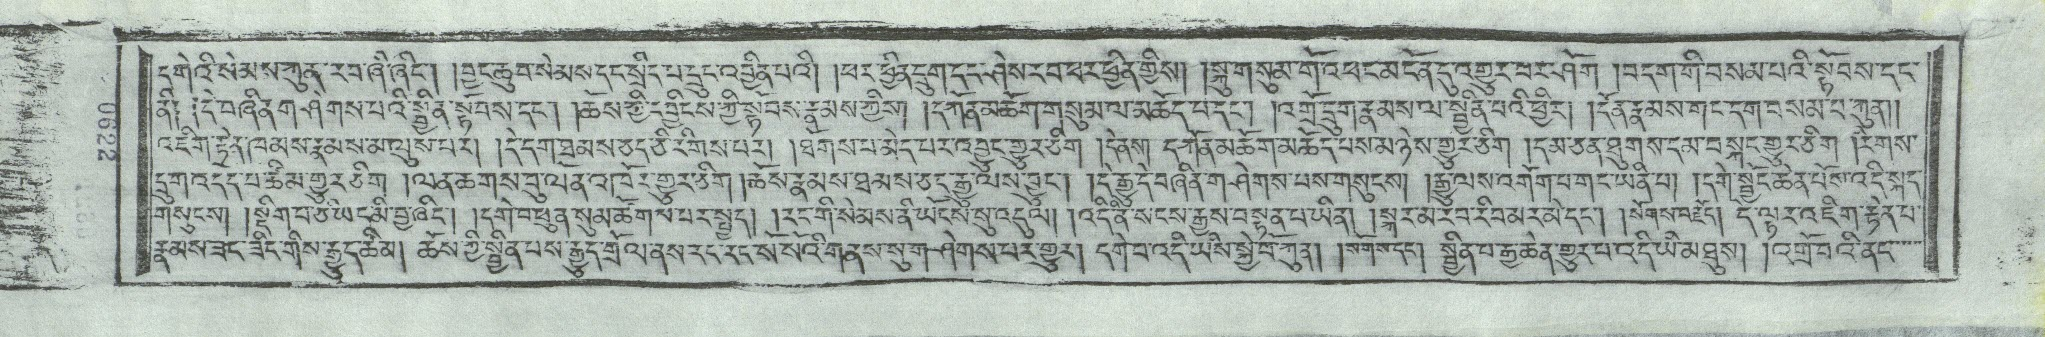དགེའི་སེམས་ཀུན་རབ་ཞི་ཞིང་། །བྱང་ཆུབ་སེམས་དང་སྲིད་པ་དྲུང་འབྱིན་པའི། །ཕར་ཕྱིན་དྲུག་དང་ཤེས་རབ་ཕར་ཕྱིན་གྱིས། །སྐུ་གསུམ་གོ་འཕང་མངོན་དུ་འགྱུར་པར་ཤོག །བདག་གི་བསམ་པའི་སྟོབས་དང་
ནི༑ ༑དེ་བཞིན་གཤེགས་པའི་སྦྱིན་སྟོབས་དང་། །ཆོས་ཀྱི་དབྱིངས་ཀྱི་སྟོབས་རྣམས་ཀྱིས། །དཀོན་མཆོག་གསུམ་ལ་མཆོད་པ་དང་། །འགྲོ་དྲུག་རྣམས་ལ་སྦྱིན་པའི་ཕྱིར། །དོན་རྣམས་གང་དག་བསམ་པ་ཀུན།
འཇིག་རྟེན་ཁམས་རྣམས་མ་ལུས་པར། །དེ་དག་ཐམས་ཅད་ཅི་རིགས་པར། །ཐོགས་པ་མེད་པར་འབྱུང་གྱུར་ཅིག །དེ་ནས། དཀོན་མཆོག་མཆོད་པས་མཉེས་གྱུར་ཅིག །དམ་ཅན་ཐུགས་དམ་བསྐང་གྱུར་ཅིག །རིགས་
དྲུག་འདོད་པ་ཚིམ་གྱུར་ཅིག །ལན་ཆགས་བུ་ལོན་འཁོར་གྱུར་ཅིག །ཆོས་རྣམས་ཐམས་ཅད་རྒྱུ་ལས་བྱུང་། །དེ་རྒྱུ་དེ་བཞིན་གཤེགས་པས་གསུངས། །རྒྱུ་ལས་འགོག་པ་གང་ཡིན་པ། །དགེ་སྦྱོང་ཆེན་པོས་འདི་སྐད་
གསུངས། །སྡིག་པ་ཅི་ཡང་མི་བྱ་ཞིང་། །དགེ་འཕུན་སུམ་ཚོགས་པར་སྤྱད། །རང་གི་སེམས་ནི་ཡོངས་སུ་འདུལ། །འདི་ནི་སངས་རྒྱས་བསྟན་པ་ཡིན། །སྐར་མ་རབ་རིབ་མར་མེ་དང་། །སོགས་བརྗོད། དེ་ལྟར་འཇིག་རྟེན་པ་
རྣམས་ཟང་ཟིང་གིས་རྒྱུད་ཚིམ། ཆོས་ཀྱི་སྦྱིན་པས་རྒྱུད་གྲོལ་ནས་རང་རང་སོ་སོའི་གནས་སུ་གཤེགས་པར་གྱུར། དགེ་པ་འདི་ཡིས་སྐྱེ་བོ་ཀུན། །སོགས་དང་། སྦྱིན་པ་རྒྱ་ཆེན་གྱུར་པ་འདི་ཡི་མཐུས། །འགྲོ་བའི་ནང་